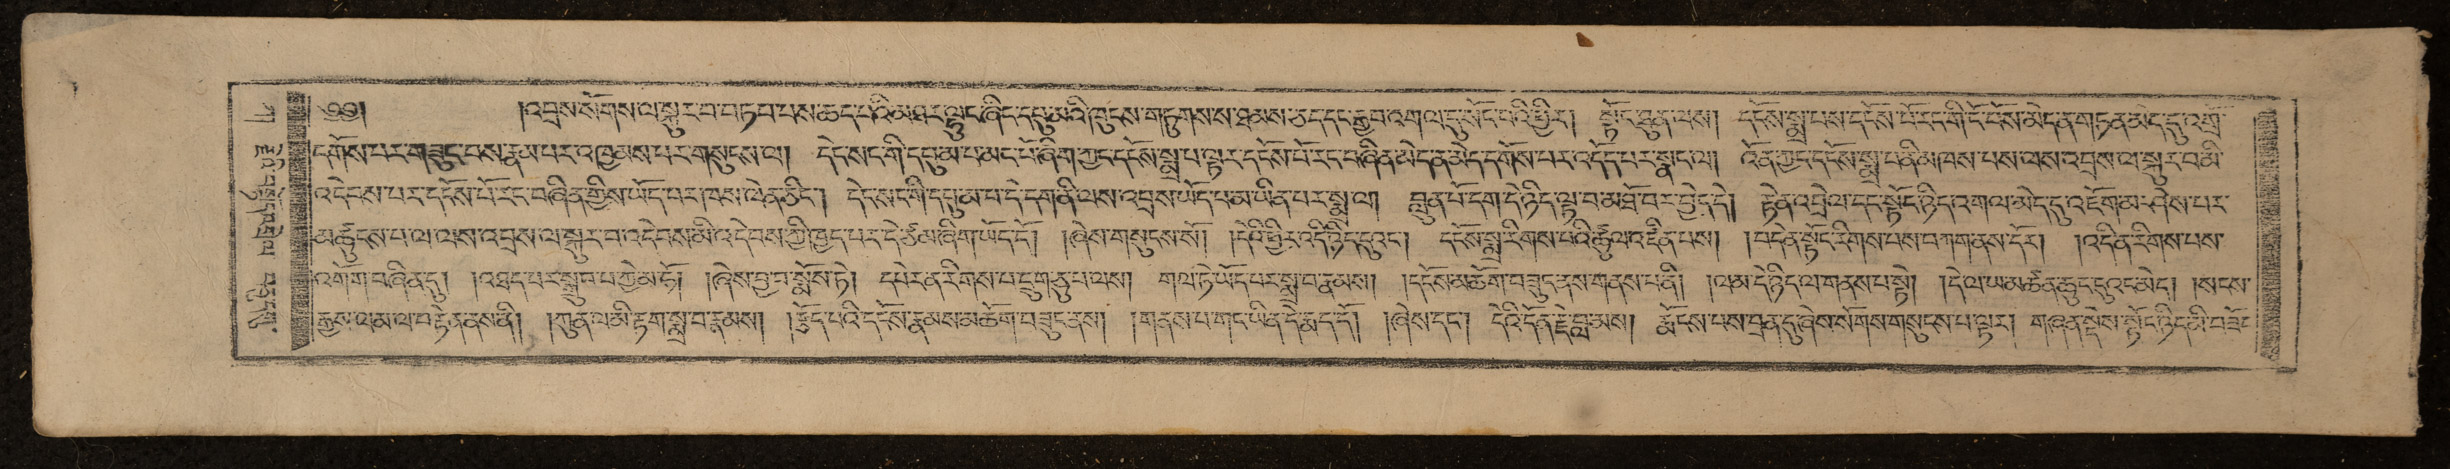༄༅། །འབྲས་སོགས་ལ་སྐུར་བ་བཏབ་པས་ཆད་པའི་མཐར་ལྟུང་ཞིང་དབུ་མའི་ཁུངས་གཏུགས་ས་ཐམས་ཅད་དང་རྒྱབ་འགལ་དུ་སོང་བའི་ཕྱིར། སྟོང་ཐུན་ལས། དངོས་སྨྲ་བས་དངོས་པོ་རང་གི་ངོ་བོས་མེད་ན་གཏན་མེད་དུ་འགྲོ་
དགོས་བར་གཟུང་བས་རྣམ་པར་འཁྱམས་པར་གསུངས་ལ། དེང་སང་གི་དབུ་མ་པ་མང་པོ་ཞིག་ཀྱང་དངོས་སྨྲ་བ་ལྟར་དངོས་པོ་རང་བཞིན་མེད་ན་མེད་དགོས་པར་འདོད་པར་སྣང་ལ། འོན་ཀྱང་དངོས་སྨྲ་བ་ནི་མཁས་པས་ལས་འབྲས་ལ་སྐུར་པ་མི་
འདེབས་པར་དངོས་པོ་རང་བཞིན་གྱིས་ཡོད་པར་ཁས་ལེན་ཅིང་། དེང་སང་གི་དབུམ་པ་དེ་དག་ནི་ལས་འབྲས་ཡོད་བ་མ་ཡིན་བར་སྨྲ་ལ། བླུན་པོ་དག་དེ་ཉིད་ལྟ་བ་མཐོ་བར་བྱེད་དེ། རྟེན་འབྲེལ་དང་སྟོང་ཉིད་འགལ་མེད་དུ་འཇོག་མ་ཤེས་པར་
མཚུངས་བ་ལ་ལས་འབྲས་ལ་སྐུར་བ་འདེབས་མི་འདེབས་ཀྱི་ཁྱད་པར་དེ་ཙམ་ཞིག་ཡོད་དོ། །ཞེས་གསུངས་སོ། །དེའི་ཕྱིར་འདི་ཉིད་དུའང་། དངོས་སྨྲ་རིགས་བའི་ཚུལ་འཛིན་བས། །བདེན་སྟོང་རིགས་པས་བཀག་ནས་དོར། །འདི་ན་རིགས་པས་
འགོག་བཞིན་དུ། །འཐད་བར་སྒྲུབ་པ་ཀྱེ་མ་ཧོ། །ཞེས་བྱ་བ་སྨོས་ཏེ། དཔེར་ན་རིགས་བ་དྲུག་ཅུ་པ་ལས། གལ་ཏེ་ཡོད་པར་སྨྲ་བ་རྣམས། །དངོས་མཆོག་བཟུང་ནས་གནས་བ་ནི། །ལམ་དེ་ཉིད་ལ་གནས་པ་སྟེ། །དེ་ལ་ཡ་མཚན་ཆུང་དུའང་མེད། །སངས་
རྒྱས་ལམ་ལ་བརྟེན་ནས་ནི། །ཀུན་ལ་མི་རྟག་སྨྲ་བ་རྣམས། །རྩོད་བའི་དངོས་རྣམས་མཆོག་བཟུང་ནས། །གནས་བ་གང་ཡིན་དེ་རྨད་དོ། །ཞེས་དང་། དེའི་དོན་རྗེ་བླ་མས། རྨོངས་པས་བྲན་དུ་ཞེས་སོགས་གསུངས་བ་ལྟར། གཞན་སྡེས་སྟོང་ཉིད་མི་བཟོད་